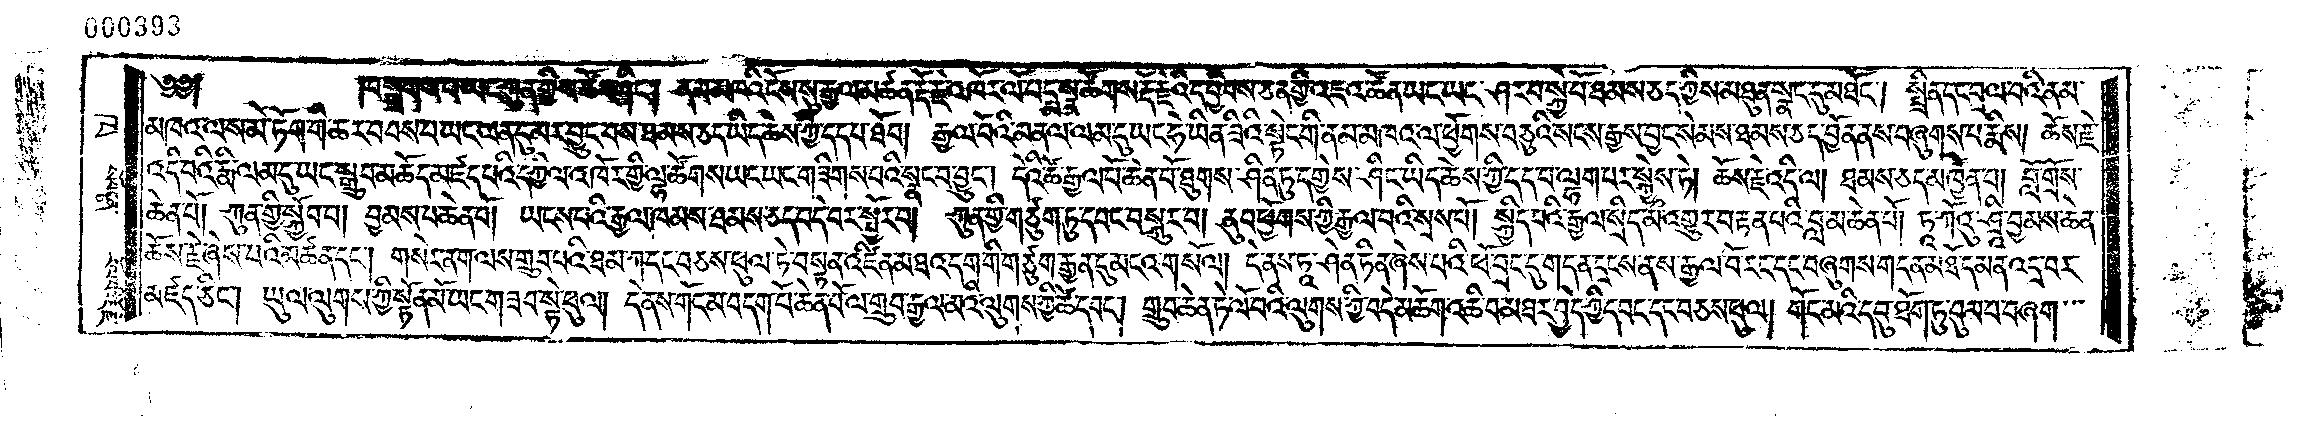༄༅། །བསྒྲགས་པ་ཡང་ཀུན་གྱིས་ཚོར་ཞིང་། ནམ་མཁའི་ངོས་སུ་རྒྱལ་མཚན་རྡོ་རྗེ་འཁོར་ལོ་པདམ་སྣ་ཚོགས་རྡོ་རྗེའི་དབྱིབས་ཅན་གྱི་འཇའ་ཚོན་ཡང་ཡང་ཤར་བ་སྐྱེ་བོ་ཐམས་ཅད་ཀྱིས་མཐུན་སྣང་དུ་མཐོང་། སྤྲིན་དང་བྲལ་བའི་ནམ་
མཁའ་ལས་མེ་ཏོག་གི་ཆར་བ་བས་པ་ཡང་ལན་དུ་མར་བྱུང་བས་ཐམས་ཅད་ཡིད་ཆེས་ཀྱི་དད་པ་ཐོབ། རྒྱལ་བོའི་མནལ་ལམ་དུ་ཡང་ཧེ་ཡིན་ཟིའི་སྟེང་གི་ནམ་མཁའ་ལ་ཕྱོགས་བཅུའི་སངས་རྒྱས་བྱང་སེམས་ཐམས་ཅད་བྱོན་ནས་བཞུགས་པ་རྨིས། ཆོས་རྗེ་
འདི་བའི་རྨི་ལམ་དུ་ཡང་སྒྲུབ་མཆོད་མཛད་པའི་དཀྱིལ་འཁོར་གྱི་ལྷ་ཚོགས་ཡང་ཡང་གཟིགས་པའི་སྣང་བ་བྱུང་། དེའི་ཚེ་རྒྱལ་པོ་ཆེན་པོ་ཐུགས་ཤིན་ཏུ་དགྱེས་ཤིང་ཡིད་ཆེས་ཀྱི་དད་བ་ལྷག་པར་སྐྱེས་ཏེ། ཆོས་རྗེ་འདི་ལ། ཐམས་ཅད་མཁྱེན་པ། བློ་གྲོས་
ཆེན་པོ། ཀུན་གྱི་སྐྱོབ་པ། བྱམས་པ་ཆེན་པོ། ཡངས་པའི་རྒྱལ་ཁམས་ཐམས་ཅད་བདེ་བར་སྤྱོར་བ། ཀུན་གྱི་གཙུག་ཏུ་དབང་བསྐུར་བ། ནུབ་ཕྱོགས་ཀྱི་རྒྱལ་བའི་སྲས་པོ། སྐྱིད་པའི་རྒྱལ་སྲིད་མྀ་འགྱུར་བརྟན་པའི་བླ་མ་ཆེན་པོ། ཏཱ་ཀོའུ་ཤྲཱི་བྱམས་ཆེན་
ཆོས་རྗེ་ཞེས་པའི་མཚན་དང་། གསེར་ནག་ལས་གྲུབ་པའི་ཐམ་ཀ་དང་བཅས་ཕུལ་ཏེ་བསྟན་འཛིན་མཐའ་དག་གི་གཙུག་རྒྱན་དུ་མངའ་གསོལ། དེ་ནས་ཏཱ་ཤེན་ཏིན་ཞེས་པའི་ཕོ་བྲང་དུ་གདན་དྲངས་ནས་རྒྱལ་བོ་རང་དང་བཞུགས་གདན་མཐོ་དམན་འདྲ་བར་
མཛད་ཅིང་། ཡུལ་ལུགས་ཀྱི་སྟོན་མོ་ཡང་གཟབ་སྟེ་ཕུལ། དེ་ནས་གོང་མ་བདག་པོ་ཆེན་པོ་ལ་གྲུབ་རྒྱལ་མའི་ལུགས་ཀྱི་ཚེ་དབང་། གྲུབ་ཆེན་ཏེ་ལོ་པའི་ལུགས་ཀྱི་བདེ་མཆོག་འཆི་བ་མཐར་བྱེད་ཀྱི་དབང་དང་བཅས་ཕུལ། གོང་མའི་དབུ་ཐོག་ཏུ་བུམ་པ་བཞག་